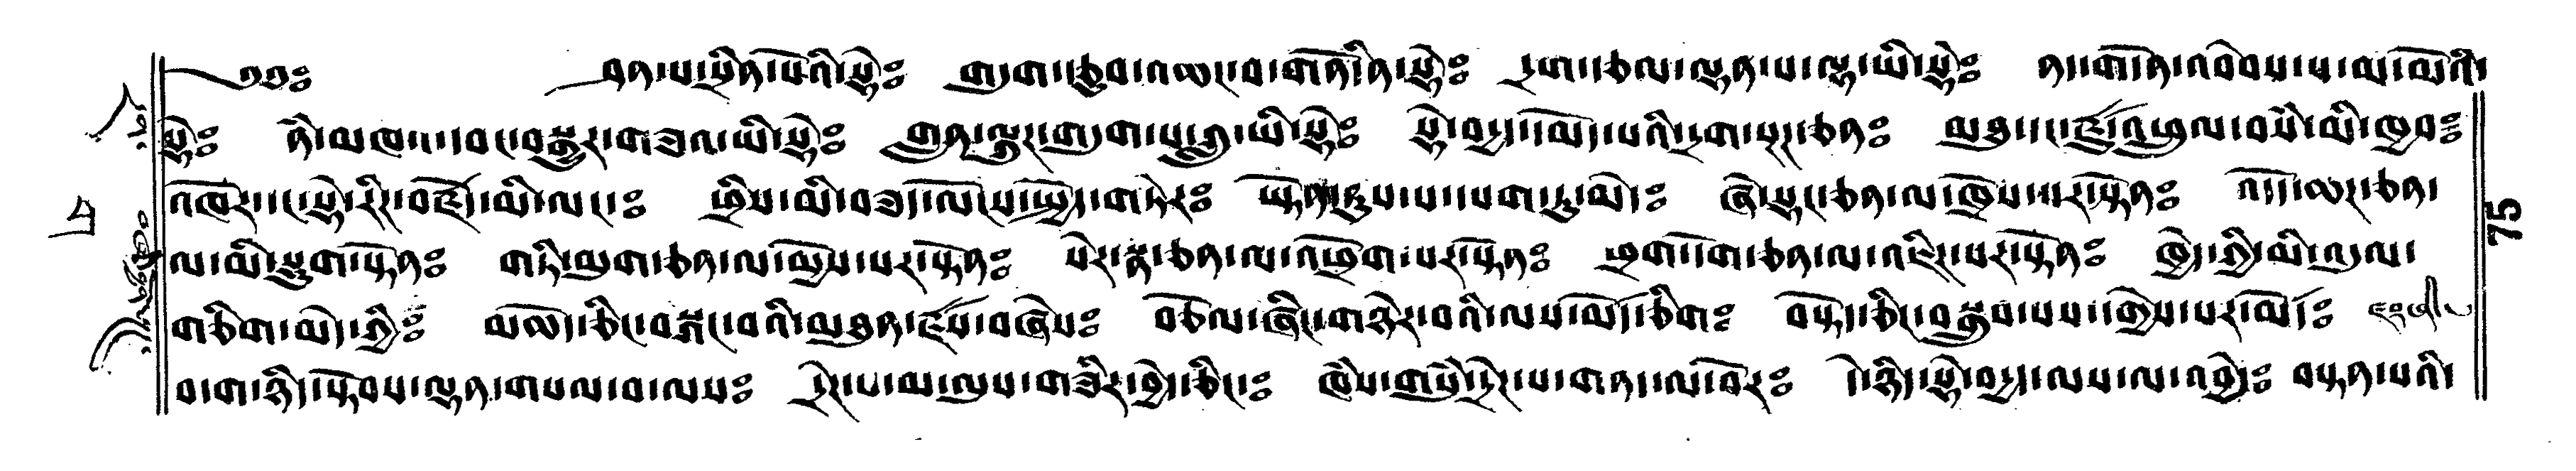ཤན་པ་སྲིན་པོའི་སྡེཿ གདུག་རྩུབ་འཆང་བ་གནོད་སྦྱིན་སྡེཿ དྲག་རྩལ་ལྡན་པ་ལྷ་ཡི་སྡེཿ ནད་གདོན་འབེབས་པ་མ་མོའི་
སྡེཿ ནམ་མཁའི་དབང་སྒྱུར་གཟའ་ཡི་སྡེཿ གླན་ལྐུགས་གདུག་པ་ཀླུ་ཡི་སྡེཿ སྡེ་བརྒྱད་དམོད་པའི་དྲག་སྔགས་ཅནཿ མཐུ་དང་རྫུ་འཕྲུལ་བསམ་མི་ཁྱབ༔ 
འཁོར་དང་སྡེ་རིགས་བརྗོད་མི་ལང་ཿ ཕྲིན་ལས་མི་ཟད་ལོངས་སྤྱོད་གཏེརཿ ཡོན་ཏན་ནུས་པ་དཔག་ཏུ་མེདཿ ཞེ་སྡང་ཅན་ལ་ཁྲོས་པར་སྟོནཿ འདོད་ཆགས་ཅན་
ལ་མི་སྡུག་སྟོནཿ གཏི་མུག་ཅན་ལ་མྱོས་པར་སྟོནཿ སེར་སྣ་ཅན་ལ་འཕྲོག་པར་སྟོནཿ ཕྲག་དོག་ཅན་ལ་འཇིགས་པར་སྟོནཿ ཁྱེད་ཀྱི་མི་འདུལ་
གཅིག་མེད་ཀྱིཿ མཆོད་ཅིང་བསྐང་བའི་མཐུན་རྫས་བཞེསཿ བཅོལ་ཞིང་གཉེར་བའི་ལས་མཛོད་ཅིགཿ བསྟོད་ཅིང་སྒྲུབ་པས་དགྱེས་པར་མཛོདཿཛབྡ་ནི། 
བདག་ཉིད་སྟོབས་ལྡན་གསལ་བ་ལསཿ དྲེགས་པ་མ་ལུས་གཟིར་བྱེད་ཅིང་ཿ ཁམས་གསུམ་དྲེགས་པ་གནད་ལ་བོརཿ དེ་ཉིད་སྡེ་བརྒྱད་ལས་ལ་འགྱེདཿ བསྟན་པའི་